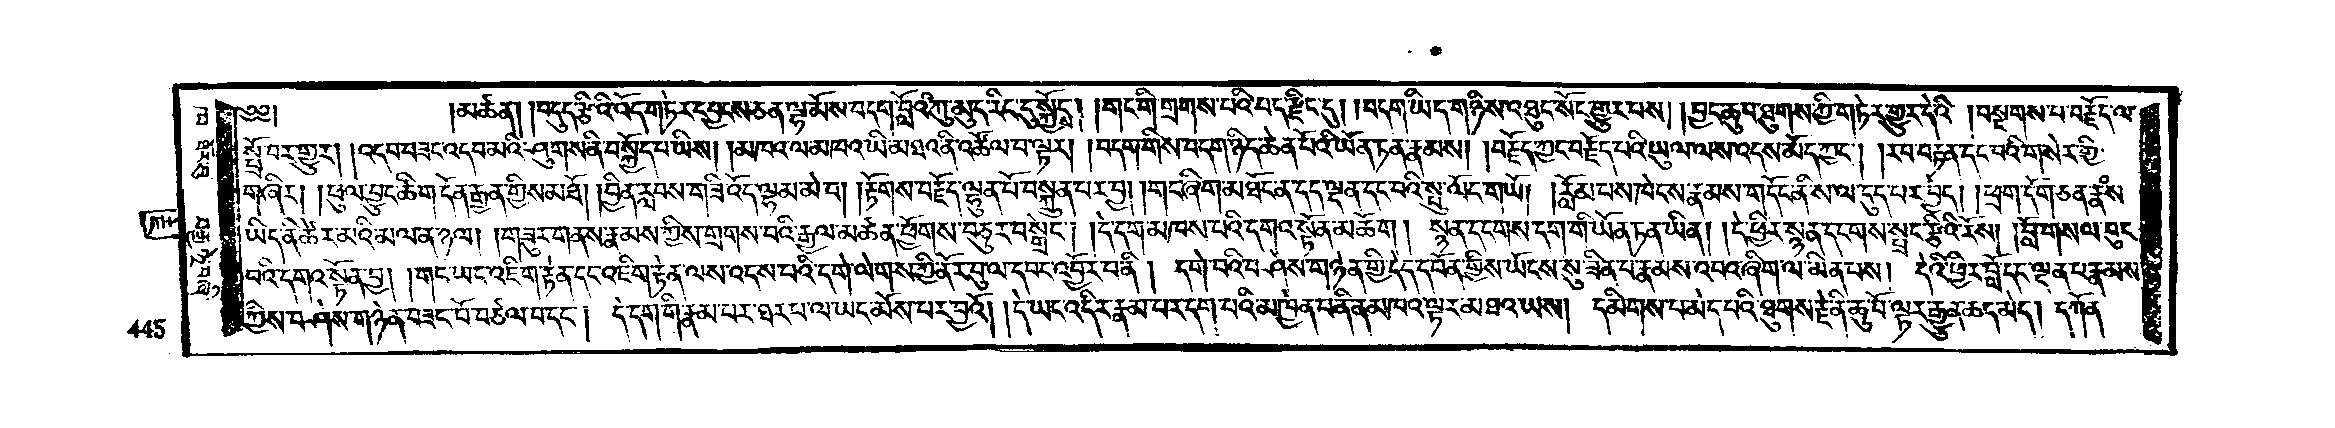༄༅། །མཚན། །བདུད་རྩིའི་འོད་གཏེར་དབྱངས་ཅན་ལྷ་མོས་བདག་བློའི་ཀུ་མུད་རིང་དུ་སྐྱོངས། །གང་གི་གྲགས་པའི་པད་རྫིང་དུ། །བདག་ཡིད་གཉིས་འཐུང་སོང་གྱུར་པས། །བྱང་ཆུབ་ཐུགས་ཀྱི་གཏེར་གྱུར་དེའི། བསྔགས་པ་བརྗོད་ལ་
སྤྲོ་བར་གྱུར། །འདབ་བཟང་འདབ་མའི་ཤུགས་ནི་བསྐྱོད་པ་ཡིས། །མཁའ་ལ་མཁའ་ཡི་མཐའ་ནི་འཚོལ་བ་ལྟར། །བདག་གིས་བདག་ཉིད་ཆེན་པོའི་ཡོན་ཏན་རྣམས། །བརྗོད་ཀྱང་བརྗོད་པའི་ཡུལ་ལས་འདས་མོད་ཀྱང་། །རབ་བརྟན་དང་བའི་གསེར་གྱི་
གཞིར། །ཕུལ་བྱུང་ཚིག་དོན་རྒྱན་གྱིས་མཐོ། །བྱིན་རླབས་གཟི་འོད་ལྷམ་མེ་བ། །རྟོགས་བརྗོད་ལྷུན་པོ་བསྐྲུན་པར་བྱ། །གང་ཞིག་མཐོང་ན་དད་ལྡན་དང་བའི་སྤུ་ལོང་གཡོ། །རློམ་པས་ཁེངས་རྣམས་གདོང་ནི་ས་ལ་དུད་པར་བྱེད། །ཕྲག་དོག་ཅན་རྣམས་
ཡིད་ནི་ཚེར་མའི་མལ་ན་ཉལ། །གཟུར་གནས་རྣམས་ཀྱིས་གྲགས་བའི་རྒྱལ་མཚན་ཕྱོགས་བཅུར་བསྒྲེང་། །དེ་དག་མཁས་པའི་དགའ་སྟོན་མཆོག །སྙན་དངགས་དག་གི་ཡོན་ཏན་ཡིན། །དེ་ཕྱིར་སྙན་དངགས་སྦྲང་རྩིའི་རོས། །བློ་གསལ་བུང་
བའི་དགའ་སྟོན་བྱ། །གང་ཡང་འཇིག་རྟེན་དང་འཇིག་རྟེན་ལས་འདས་པའི་དགེ་ལེགས་ཀྱི་ནོར་བུ་ལ་དབང་འབྱོར་པ་ནི། དགེ་བའི་བཤེས་གཉེན་གྱི་དེད་དཔོན་གྱིས་ཡོངས་སུ་ཟིན་པ་རྣམས་འབའ་ཞིག་ལ་ཡིན་པས། དེའི་ཕྱིར་བློ་དང་ལྡན་པ་རྣམས་
ཀྱིས་བཤེས་གཉེན་བཟང་པོ་བཙལ་བ་དང་། དེ་དག་གི་རྣམ་པར་ཐར་པ་ལ་ཡང་མོས་པར་བྱའོ། །དེ་ཡང་འདིར་རྣམ་པར་དག་པའི་མཁྱེན་པ་ནི་ནམ་མཁའ་ལྟར་མཐའ་ཡས། དམིགས་པ་མེད་པའི་ཐུགས་རྗེ་ནི་ཆུ་བོ་ལྟར་རྒྱུན་ཆད་མེད། དཀོན་